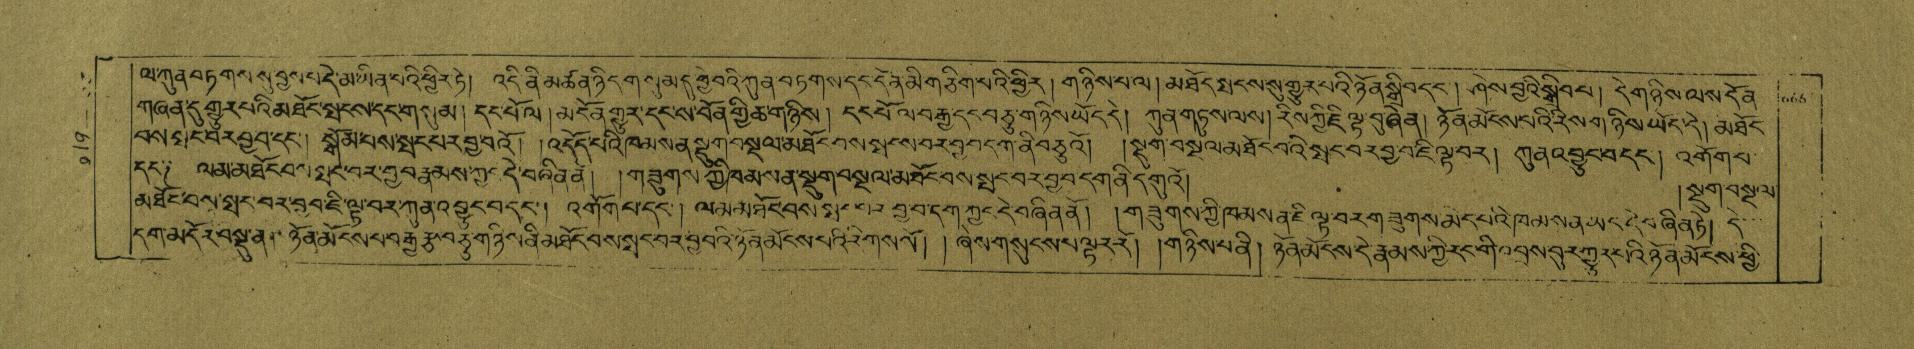ལ་ཀུན་བཏགས་སུ་བྱས་པ་དེ་མ་ཡིན་པའི་ཕྱིར་ཏེ། འདི་ནི་མཚན་ཉིད་གསུམ་དུ་བྱེ་བའི་ཀུན་བཏགས་དང་དོན་མི་གཅིག་པའི་ཕྱིར། གཉིས་པ་ལ། མཐོད་སྤངས་སུ་གྱུར་པའི་ཉོན་སྒྲིབ་དང་། ཤེས་བྱའི་སྒྲིབ་པ། དེ་གཉིས་ལས་དོན་
གཞན་དུ་གྱུར་པའི་མཐོང་སྤངས་དང་གསུམ། དང་པོ་ལ། མངོན་གྱུར་དང་ས་བོན་གྱི་ཆ་གཉིས། དང་པོ་ལ་བརྒྱ་དང་བཅུ་གཉིས་ཡོད་དེ། ཀུན་གཏུས་ལས། རིས་ཀྱི་ཇི་ལྟ་བུ་ཞེ་ན། ཉོན་མོངས་པའི་རིས་གཉིས་ཡོད་དེ། མཐོང་
བས་སྤང་བར་བྱ་བ་དང་། སྒོམ་པས་སྤང་པར་བྱ་བའོ། །འདོད་པའི་ཁམས་ན་སྡུག་བསྔལ་མཐོང་བས་སྤངས་བར་བྱ་བ་དག་ནི་བཅུའོ། །སྡུག་བསྔལ་མཐོང་བའི་སྤང་བར་བྱ་བ་ཇི་ལྟ་བར། ཀུན་འབྱུང་བ་དང་། འགོག་པ་
དང༑ ལམ་མཐོང་བས་སྤང་བར་བྱ་བ་རྣམས་ཀྱང་དེ་བཞིན་ནོ། །གཟུགས་ཀྱི་ཁམས་ན་སྡུག་བསྔལ་མཐོང་བས་སྤང་བར་བྱ་བ་དག་ནི་དགུའོ། །སྡུག་བསྔལ་
མཐོང་བས་སྤང་བར་བྱ་བ་ཇི་ལྟ་བར་ཀུན་འབྱུང་བ་དང་། འགོག་པ་དང་། ལམ་མཐོང་བས་སྤང་པར་བྱ་བ་དག་ཀྱང་དེ་བཞིན་ནོ། །གཟུགས་ཀྱི་ཁམས་ན་ཇི་ལྟ་བར་གཟུགས་མེད་པའི་ཁམས་ན་ཡང་དེ་བཞིན་ཏེ། དེ་
དག་མདོར་བསྡུ་ན། ཉོན་མོངས་པ་བརྒྱ་རྩ་བཅུ་གཉིས་ནི་མཐོང་བས་སྤང་བར་བྱ་བའི་ཉོན་མོངས་པའི་རིགས་སོ། །ཞེས་གསུངས་པ་ལྟར་རོ། །གཉིས་པ་ནི། ཉོན་མོངས་དེ་རྣམས་ཀྱི་རང་གི་འབྲས་བུར་གྱུར་པའི་ཉོན་མོངས་ཕྱི་